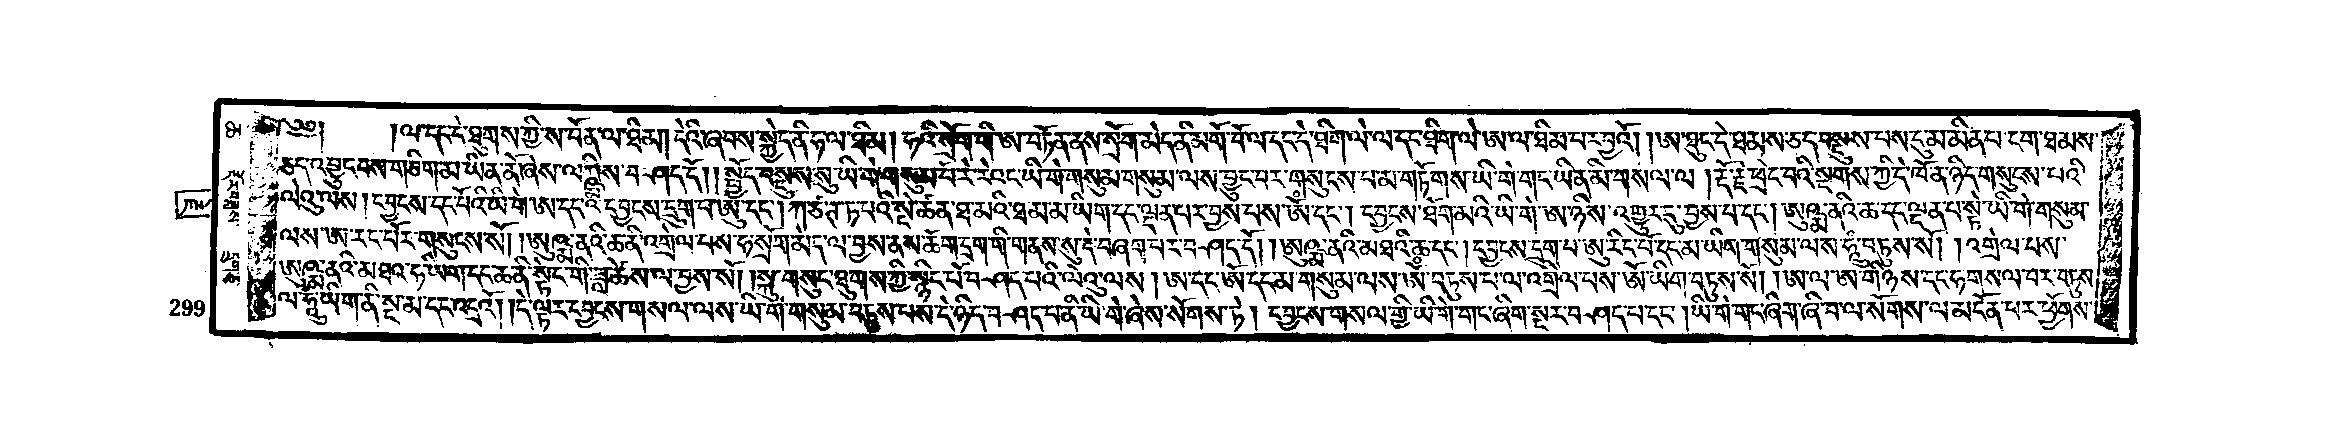༄༅། །ལ་དང་དེ་ཐུགས་ཀྱི་ས་བོན་ལ་ཐིམ། དེའི་ཞབས་སྐྱེད་ནི་ཧ་ལ་ཐིམ། ཧའི་སྲོག་གི་ཨ་བཏོན་ནས་སྲོག་མེད་ནི་མགོ་བོ་ལ་དང་དེ་ཐིག་ལེ་ལ་དང་ཐིག་ལེ་ཨ་ལ་ཐིམ་པར་བྱའོ། །ཨ་ཐུང་དེ་ཐམས་ཅད་བསྡུས་པས་དུ་མ་མིན་པ་ངག་ཐམས་
ཅད་འབྱུང་བས་གཅིག་མ་ཡིན་ནོ་ཞེས་ལཀྵྨཱིས་བཤད་དོ། །སྤྱོད་བསྡུས་སུ་ཡི་གེ་གསུམ་པོ་རེ་རེའང་ཡི་གེ་གསུམ་གསུམ་ལས་བྱུང་བར་གསུངས་པ་མ་གཏོགས་ཡི་གེ་གང་ཡིན་མི་གསལ་ལ། རྡོ་རྗེ་ཕྲེང་བའི་སྔགས་ཀྱི་དེ་ཁོ་ན་ཉིད་གསུངས་པའི་
ལེའུ་ལས། དབྱངས་དང་པོའི་ཡི་གེ་ཨ་དང་དབྱངས་དྲུག་པ་ཨུ་དང་། ཀ་ཙ་ཊ་ཏ་པའི་སྡེ་ཚན་ཐ་མའི་ཐམ་མ་ཡིག་དང་ལྡན་པར་བྱས་པས་ཨོཾ་དང་། དབྱངས་ཐོག་མའི་ཡི་གེ་ཨ་ཉིས་འགྱུར་དུ་བྱས་པ་དང་། ཨུཥྨ་ནའི་ཆ་དང་ལྡན་པ་སྟེ་ཡི་གེ་གསུམ་
ལས་ཨ་རིང་པོར་གསུངས་སོ། །ཨུཥྨ་ནའི་ཆ་ནི་འགྲེལ་པས་ཧ་སྲོག་མེད་ལ་བྱས་ནས་ཚེག་དྲག་གི་གནས་སུ་དེ་བཞག་པར་བཤད་དོ། །ཨུཥྨ་ནའི་མཐའི་ཆ་དང་། དབྱངས་དྲུག་པ་ཨུ་རིང་པོ་དང་མ་ཡིག་གསུམ་ལས་ཧཱུཾ་བཏུས་སོ། །འགྲེལ་པས་
ཨུཥྨ་ནའི་མཐའ་ཧ་ཡིག་དང་ཆ་ནི་སྟེང་གི་ཟླ་ཚེས་ལ་བྱས་སོ། །སྐུ་གསུང་ཐུགས་ཀྱི་སྙིང་པོ་བཤད་པའི་ལེའུ་ལས། ཨ་དང་ཨོ་དང་མ་གསུམ་ལས་ཨོཾ་བཏུས་པ་ལ་འགྲེལ་པས་ཨོ་ཡིག་བཏུས་སོ། །ཨ་ལ་ཨ་གཉིས་དང་ཧ་གསལ་བར་བཏུས་
ལ་ཧཱུཾ་ཡིག་ནི་སྔ་མ་དང་འདྲའོ། །དེ་ལྟར་དབྱངས་གསལ་ལས་ཡི་གེ་གསུམ་བཏུས་པས་དེ་ཉིད་བཤད་པ་ནི་ཡི་གེ་ཞེས་སོགས་ཏེ། དབྱངས་གསལ་གྱི་ཡི་གེ་གང་ཞིག་སྔར་བཤད་པ་དང་། ཡི་གེ་གང་ཞིག་ཞི་བ་ལ་སོགས་ལ་མངོན་པར་ཕྱོགས་